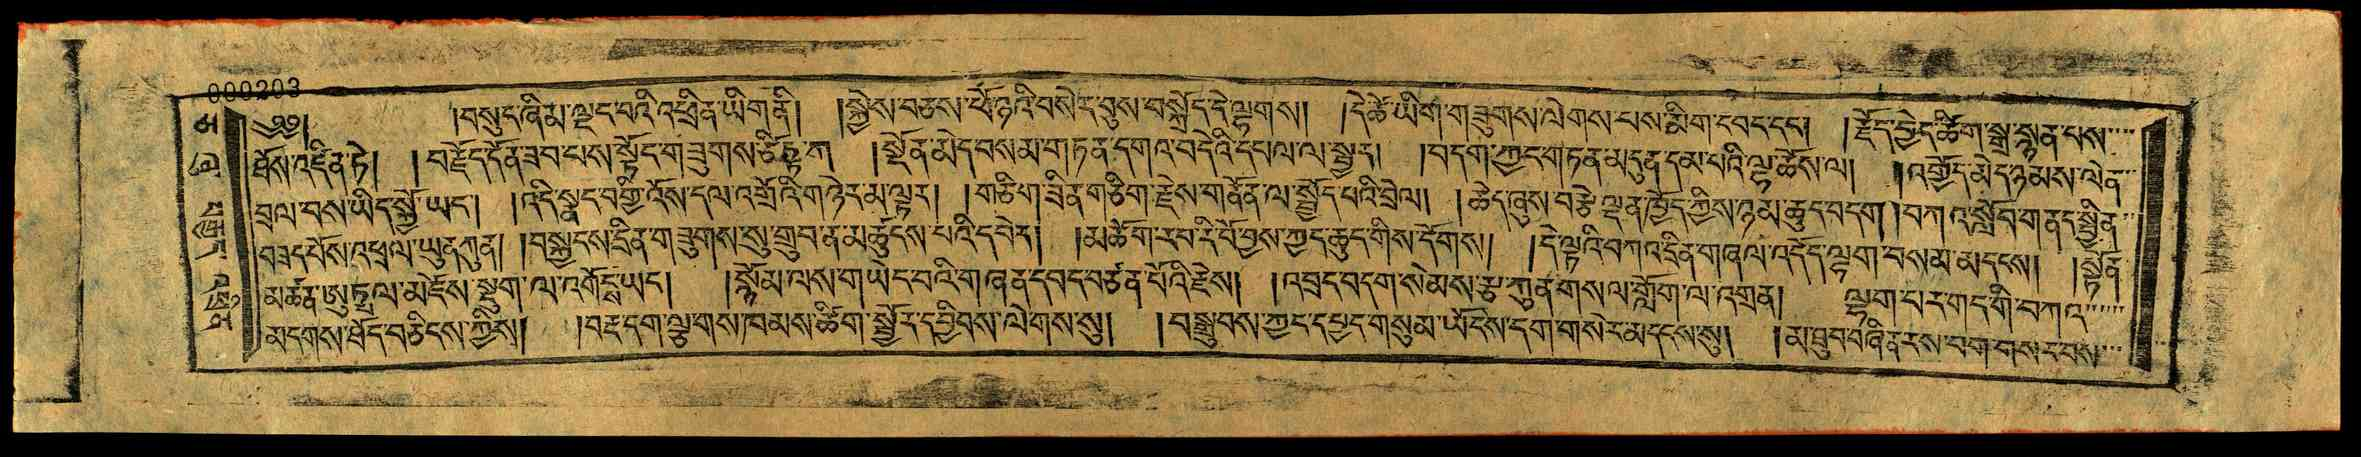༄༅། །བསུང་ཞིམ་ལྡང་བའི་འཕྲིན་ཡིག་ནི། །སྐྱེས་བཅས་པོ་ཉའི་བསེར་བུས་བསྐྱོད་དེ་ལྷགས། །དེ་ཚེ་ཡིག་གཟུགས་ལེགས་པས་མིག་དབང་དང་། །རྗོད་བྱེད་ཚིག་སྒྲ་སྙན་པས་
ཐོས་འཛིན་ཏེ། །བརྗོད་དོན་ཟབ་པས་སྟོང་གཟུགས་ཙི་ཏྟ་ཀ །སྔོན་མེད་བསམ་གཏན་དགའ་བདེའི་དཔལ་ལ་སྦྱར། །བདག་ཀྱང་གཏན་མདུན་དམ་པའི་ལྷ་ཆོས་ལ། །འགྱོད་མེད་ཉམས་ལེན་
བྲལ་བས་ཡིད་སྐྱོ་ཡང་། །འདི་སྣང་བགྱི་འོས་དལ་འགྲོའི་གཉེར་མ་ལྟར། །གཅིག་ཟན་གཅིག་རྗེས་གནོན་ལ་སྤྱོད་པའི་བྲེལ། །ཆེད་ཞུས་བརྩེ་ལྡན་ཁྱོད་ཀྱིས་ཉམ་ཆུང་བདག །བཀའ་སློབ་གནང་སྐྱིན་
བཟང་པོས་འཕྲལ་ཡུན་ཀུན། །བསྐྱངས་དྲིན་གཟུགས་སུ་གྲུབ་ན་མཚུངས་པའི་དཔེར། །མཆོག་རབ་རི་བོ་བྱས་ཀྱང་ཆུང་གིས་དགོས། །དེ་ལྟའི་བཀའ་དྲིན་གཞལ་འདོད་ལྷག་བསམ་མདངས། །སྟོན་
མཚན་ཨུཏྤལ་མཛེས་སྡུག་ལ་འགོངས་ཡང་། །སྙོམ་ལས་གཡེང་པའི་གཞན་དབང་བཙན་པོའི་རྗེས། །འབྲང་བདག་སེམས་རྩ་ཀུན་གསལ་གློག་ལ་འགྲན། །ལྷག་པར་གང་གི་བཀའ་
མདགས་ཐོད་བཅིངས་ཀྱིས། །བརྡ་དག་ལྕགས་ཁམས་ཚིག་སྦྱོར་དབྱིབས་ལེགས་སུ། །བསྒྲུབས་ཀྱང་དབྱང་གསུམ་ཡོངས་དག་གསེར་མདངས་སུ། །མ་ཐུབ་བཞིན་རས་བག་གསར་བས་